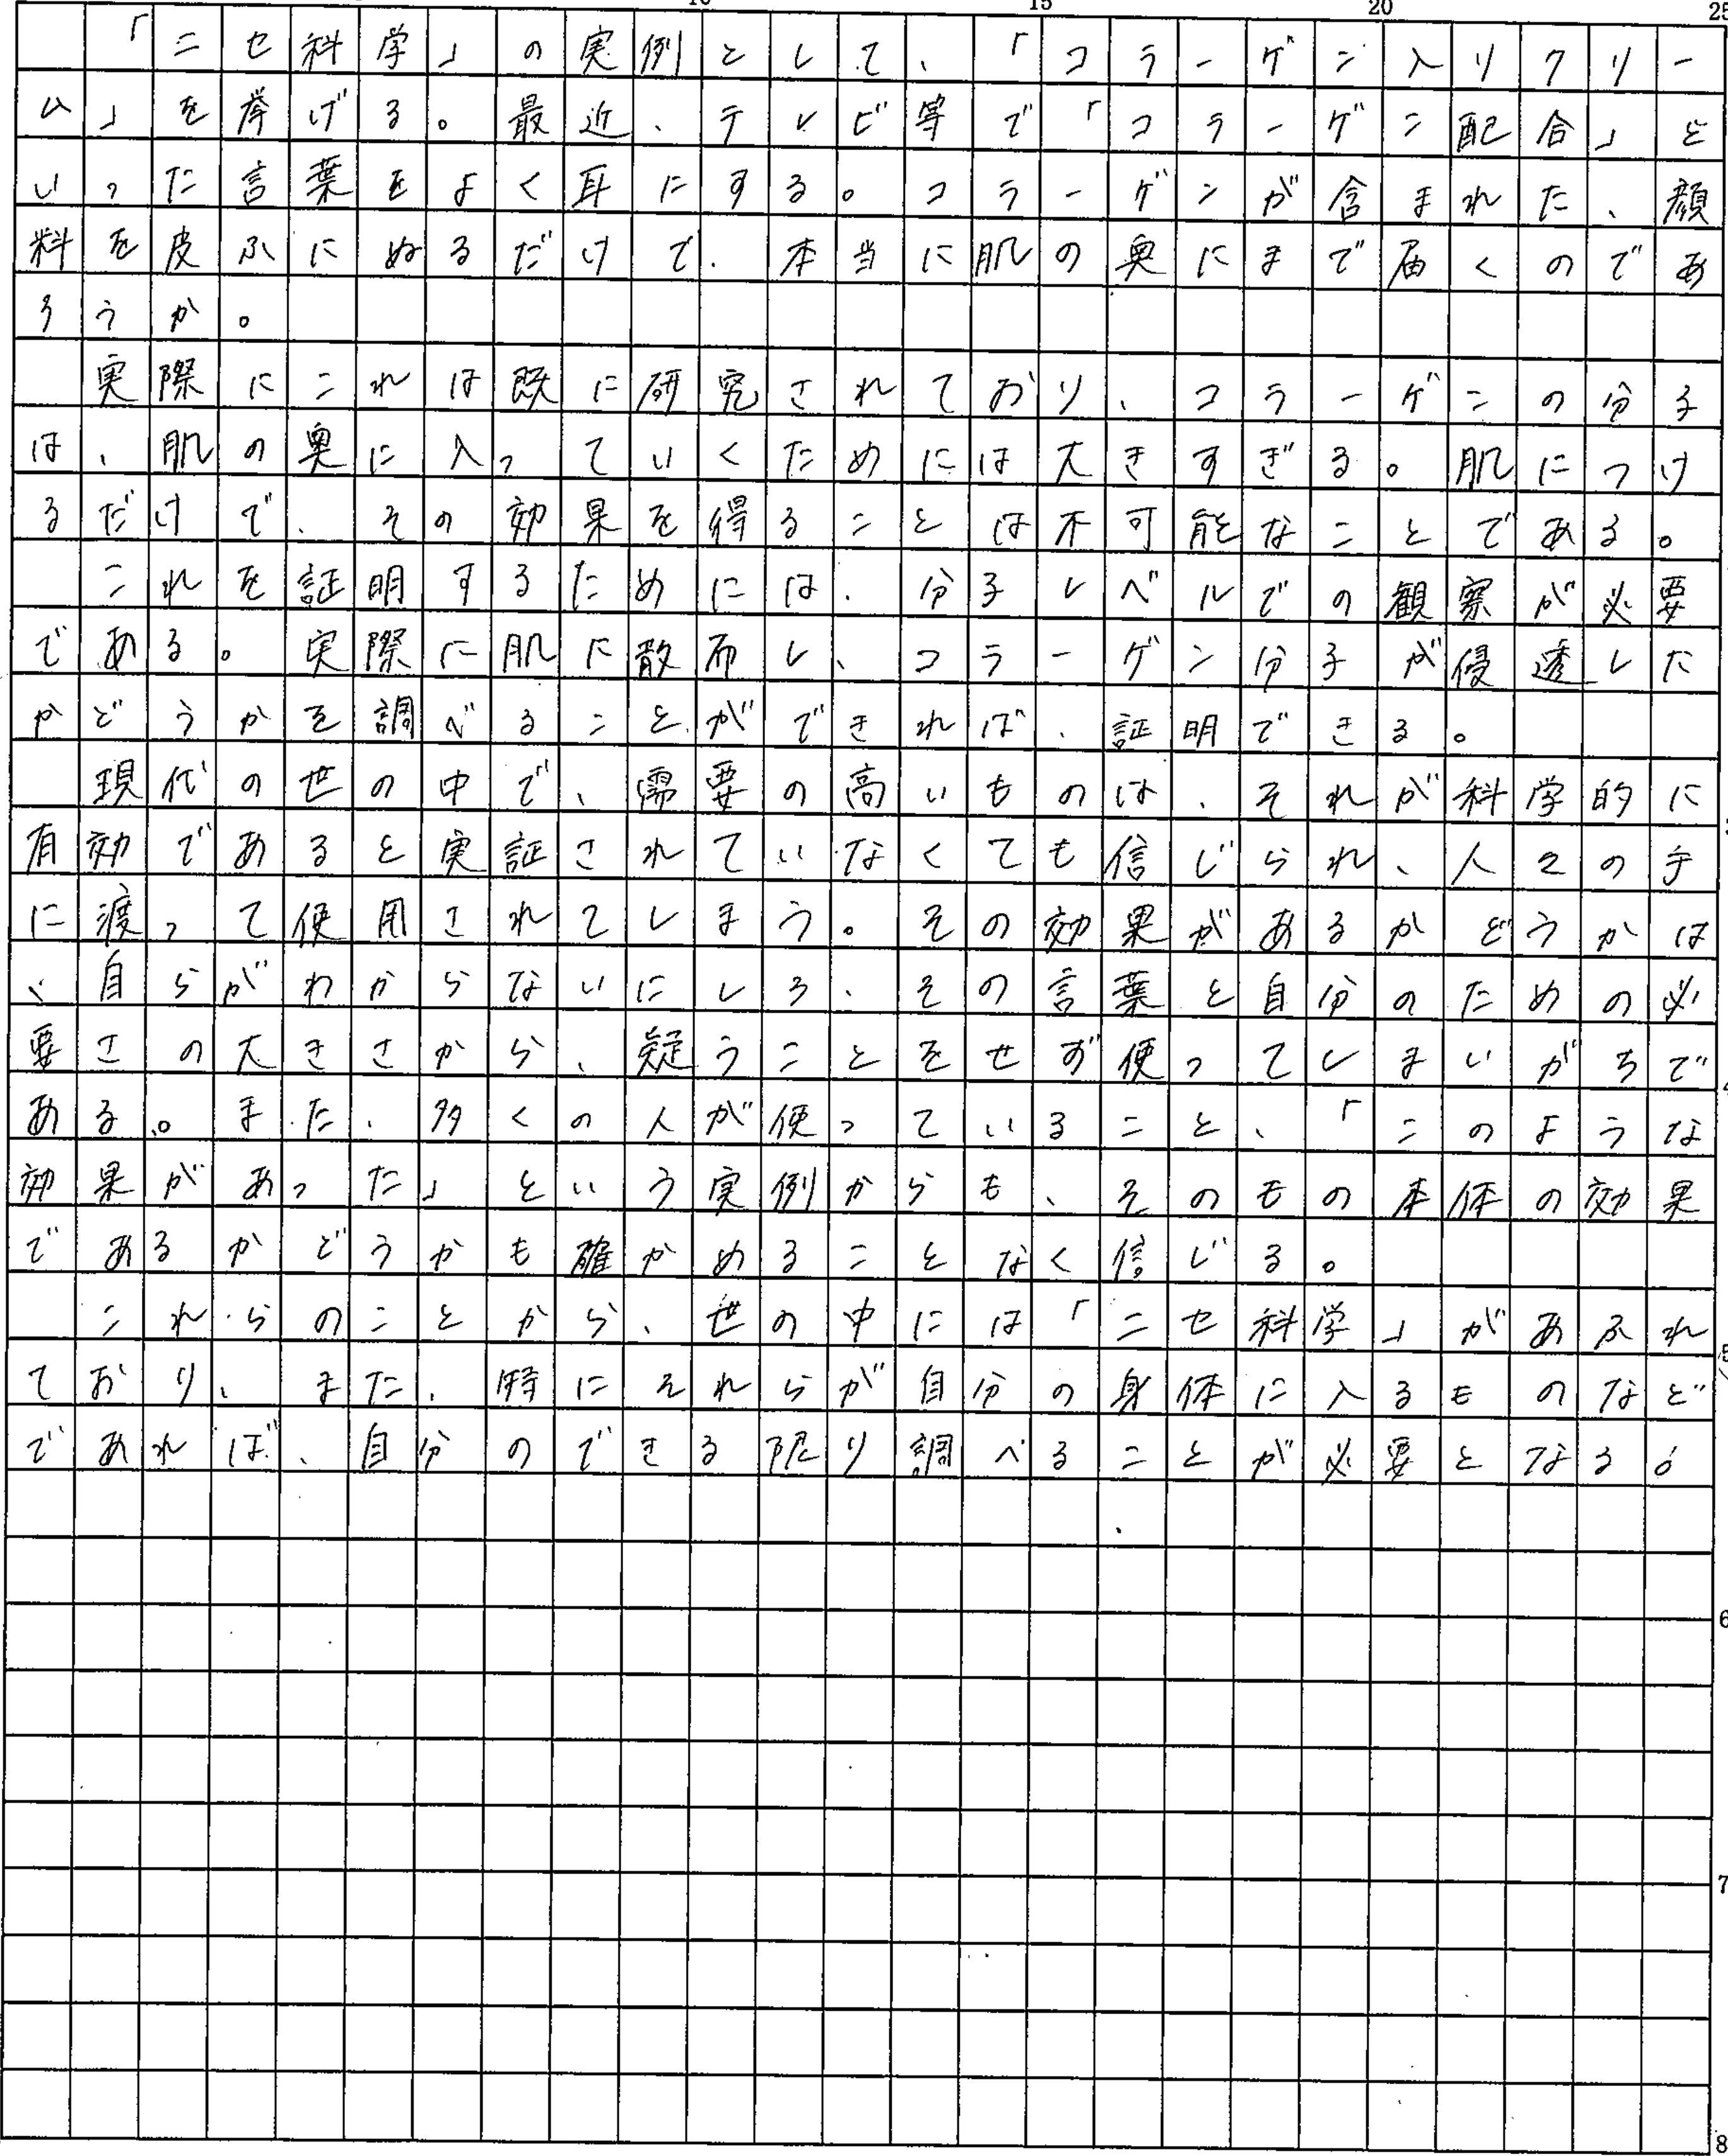　「ニセ科学」の実例として、「コラーゲン入りクリーム」を挙げる。最近、テレビ等で「コラーゲン配合」どいった言葉をよく耳にする。コラーゲンが含まれた、顔料を皮ふにぬるだけで、本当に肌の奥にまで届くのであろうか。
　実際にこれは既に研究されており、コラーゲンの分子は、肌の奥に入っていくためには大きすぎる。肌につけるだけで、その効果を得ることは不可能なことである。
　これを証明するためには、分子レベルでの観察が必要である。実際に肌に散布し、コラーゲン分子が侵透したかどうかを調べることができれば、証明できる。
　現代の世の中で、需要の高いものは、それが科学的に有効であると実証されていなくても信じられ、人々の手に渡って使用されてしまう。その効果があるかどうかは、自らがわからないにしろ、その言葉と自分のための必要さの大きさから、疑うことをせず使ってしまいがちである。また、多くの人が使っていること、「このような効果があった」という実例からも、そのもの本体の効果であるかどうかも確かめることなく信じる。
　これらのことから、世の中には「ニセ科学」があふれており、また、特にそれらが自分の身体に入るものなどであれば、自分のできる限り調べることが必要となる。
